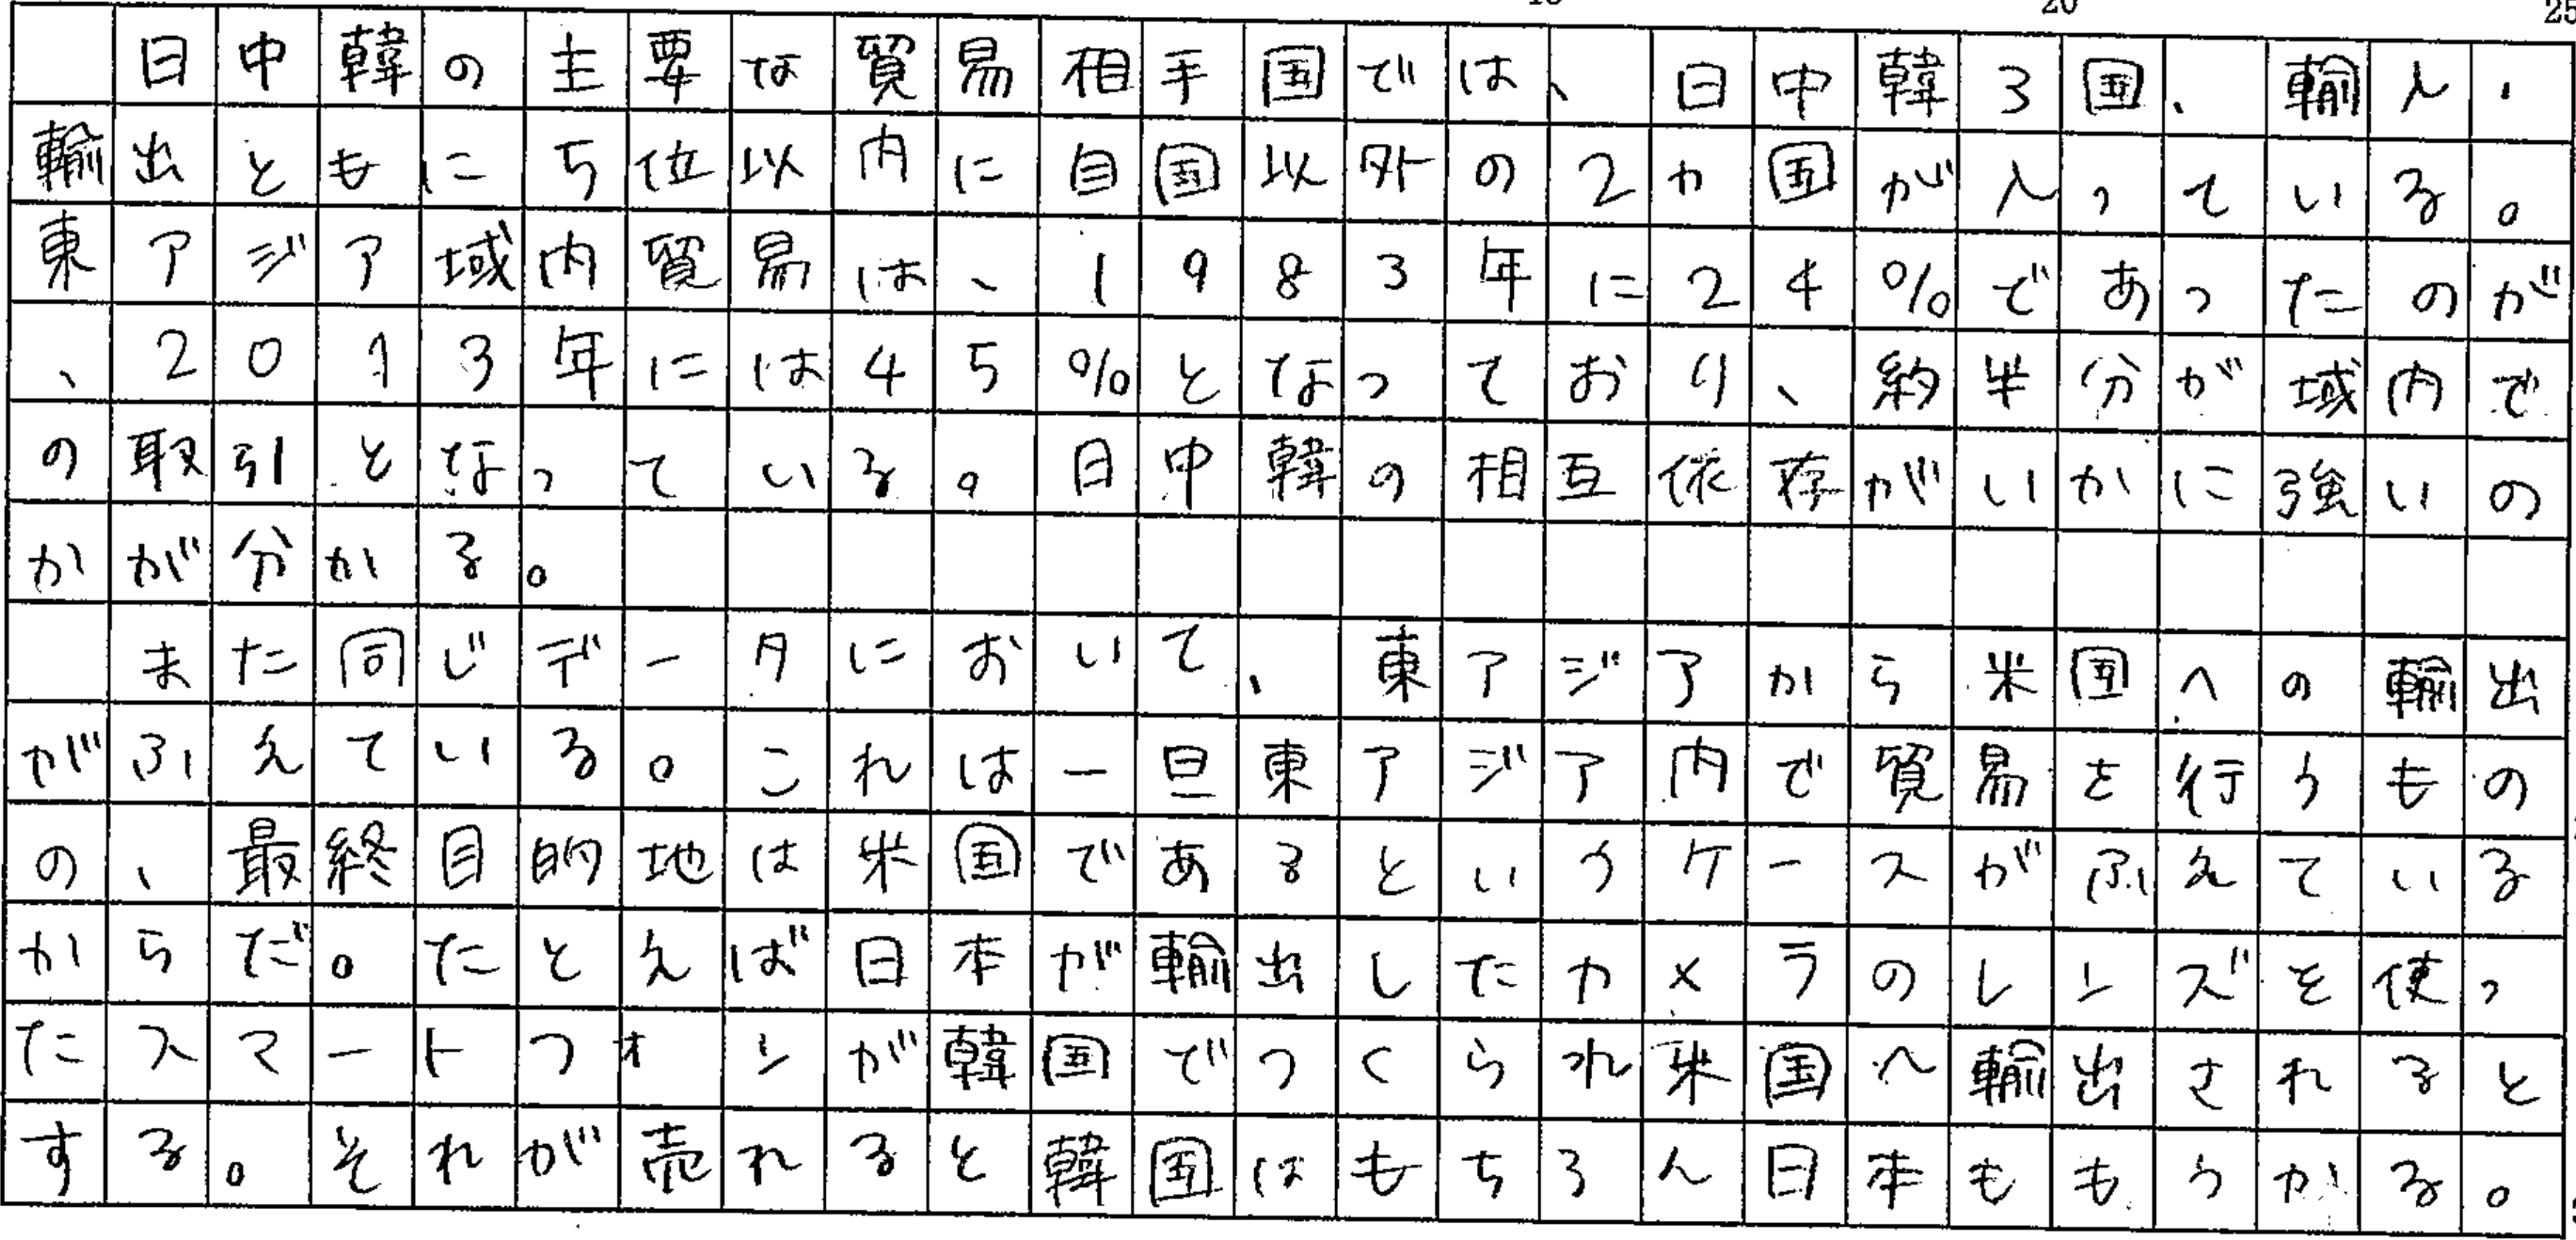　日中韓の主要な貿易相手国では、日中韓３国、輸入・輸出ともに５位以内に自国以外の２ヵ国が入っている。東アジア域内貿易は、１９８３年に２４％であったのが、２０１３年には４５％となっており、約半分が域内での取引となっている。日中韓の相互依存がいかに強いのかが分かる。
　また同じデータにおいて、東アジアから米国への輸出がふえている。これは一旦東アジア内で貿易を行うものの、最終目的地は米国であるというケースがふえているからだ。たとえば日本が輸出したカメラのレンズを使ったスマートフォンが韓国でつくられ米国へ輸出されるとする。それが売れると韓国はもちろん日本ももうかる。
